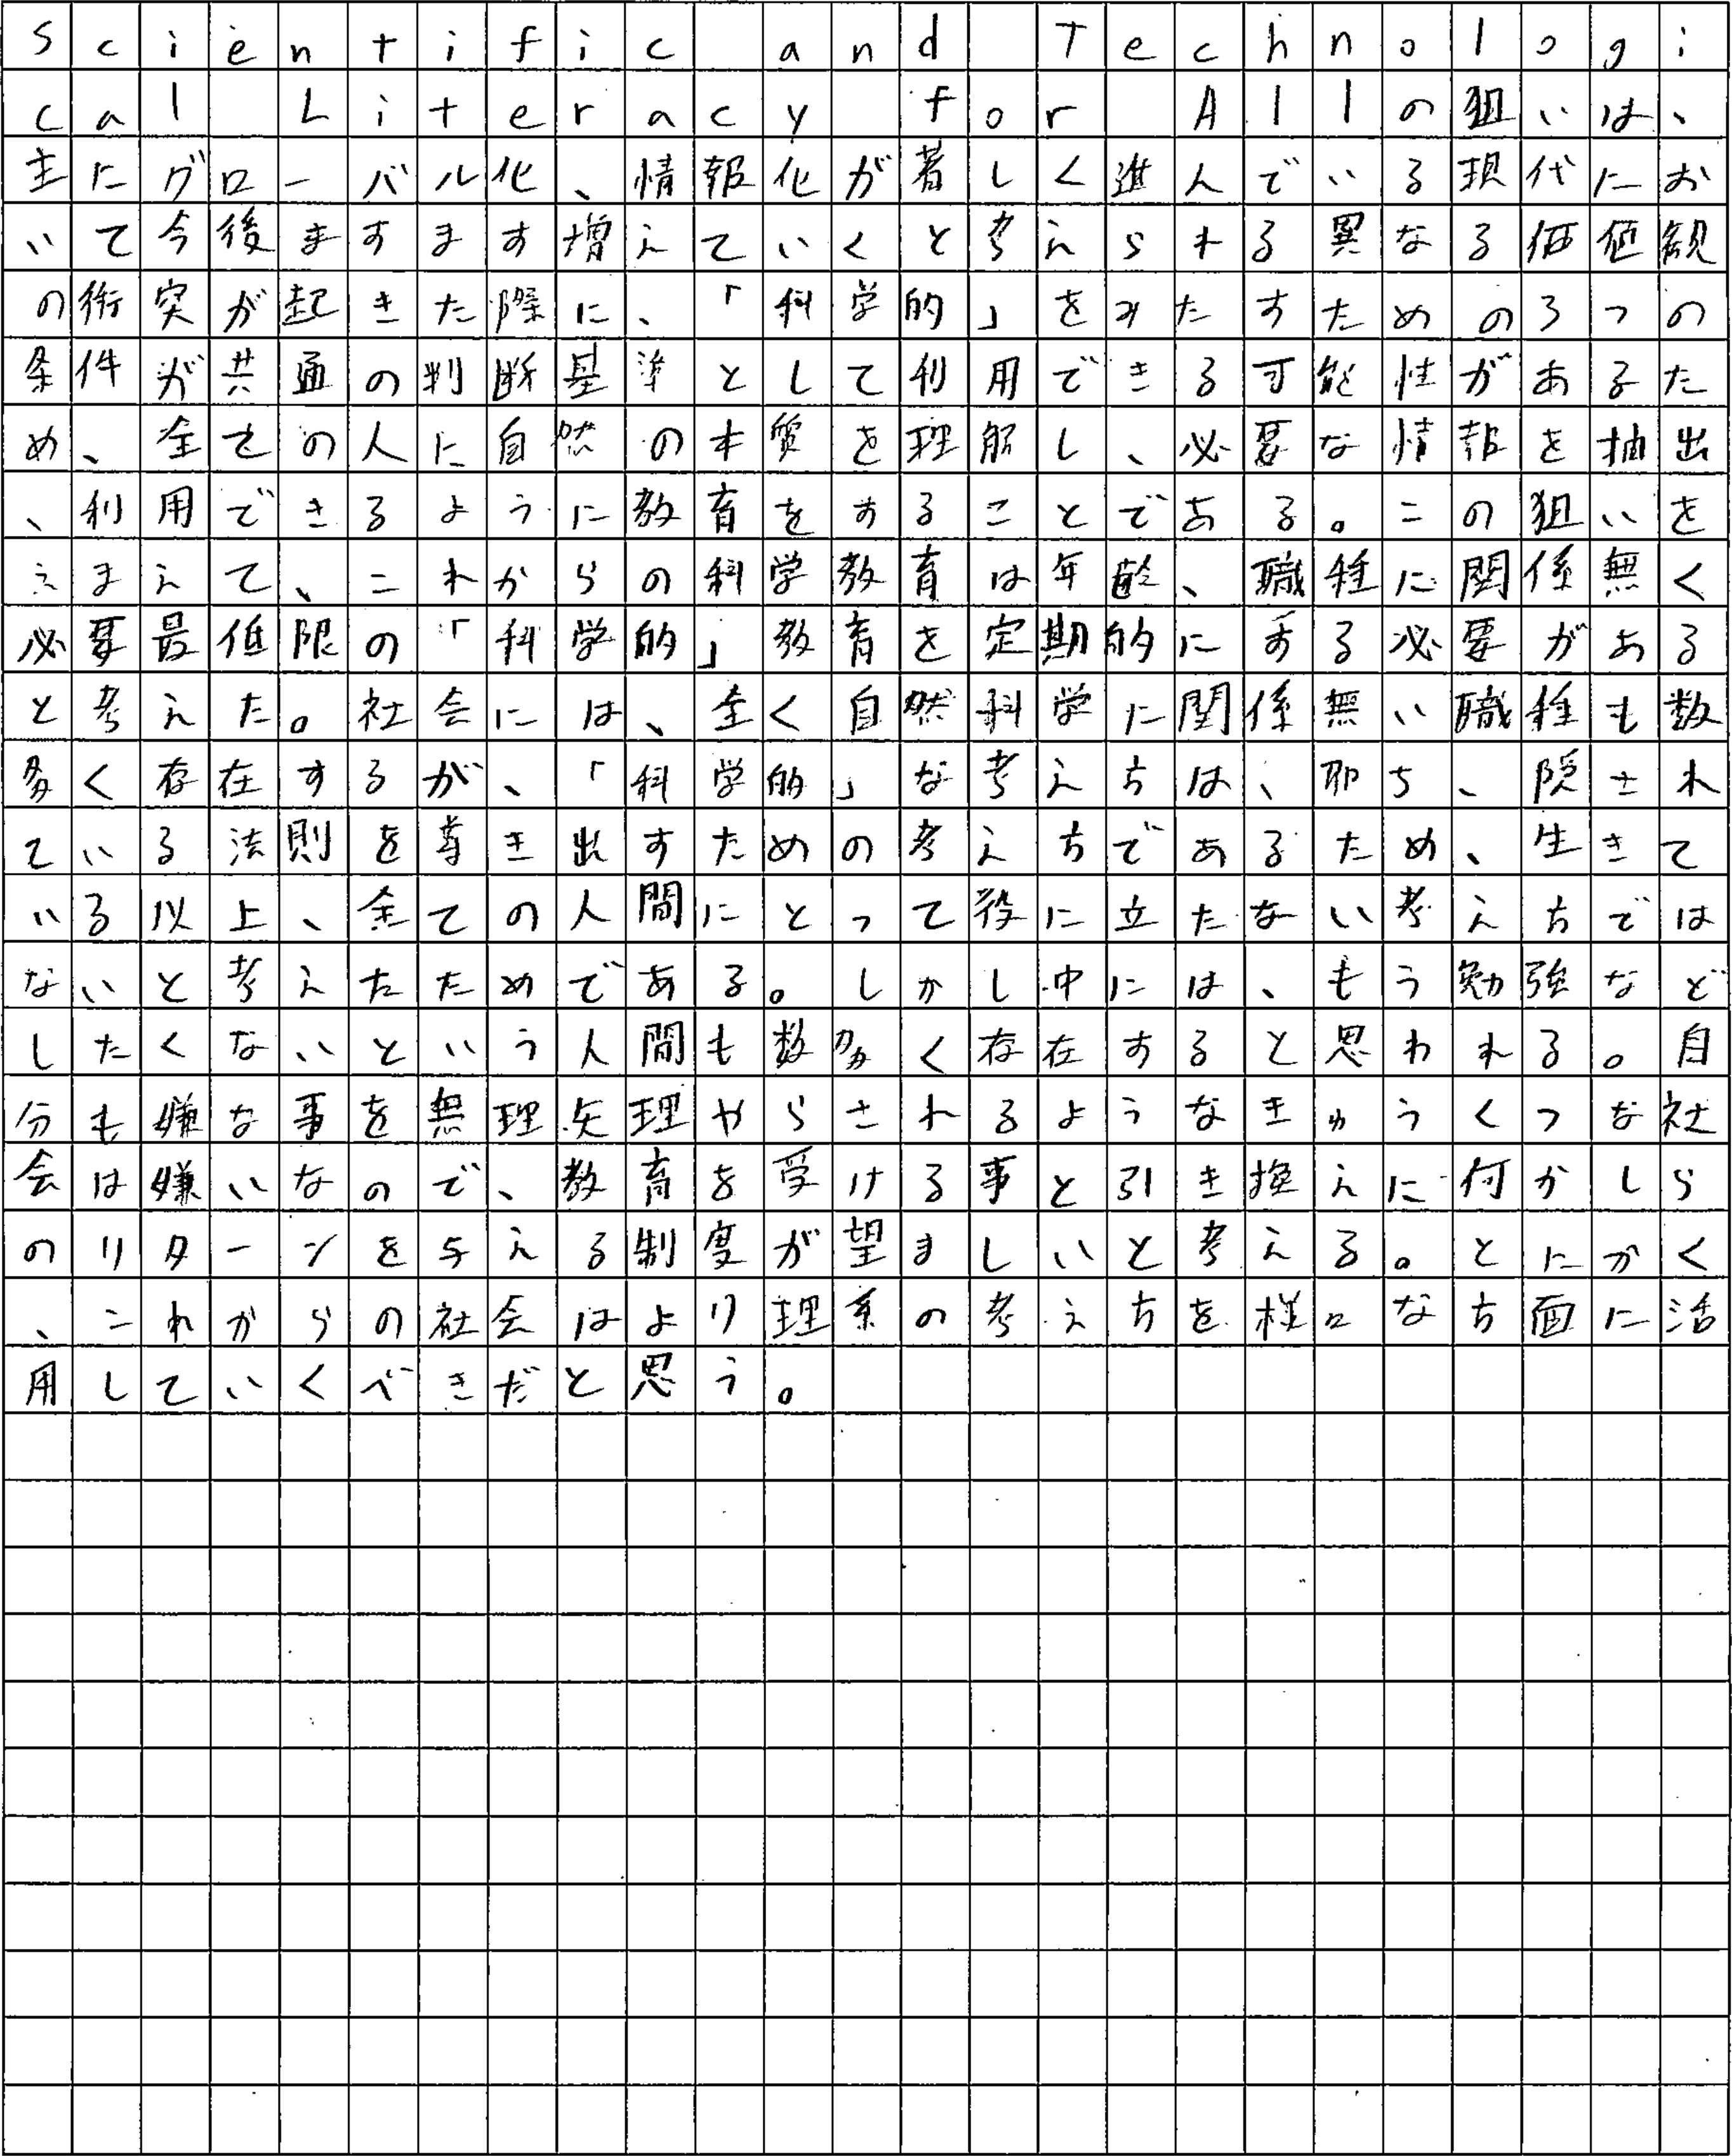Ｓｃｉｅｎｔｉｆｉｃ　ａｎｄ　Ｔｅｃｈｎｏｌｏｇｉｃａｌ　Ｌｉｔｅｒａｃｙ　ｆｏｒ　Ａｌｌの狙いは、主にグローバル化、情報化が著しく進んでいる現代において今後ますます増えていくと▁えられる異なる価値観の▁突が起きた際に、「科学的」をみたすための３つの条件が共通の判断基準として▁用できる可能性があるため、全ての人に自然の本質を理解し、必要な情報を抽出、利用できるように教育をすることである。この狙いをふまえて、これからの科学教育は年齢、職種に関係無く必要最低限の「科学的」教育を定期的にする必要があると考えた。社会には、全く自然科学に関係無い職種も数多く存在するが、「科学的」な考え方は、即ち、隠されている法則を導き出すための考え方であるため、生きている以上、全ての人間にとって役に立たない考え方ではないと考えたためである。しかし中には、もう勉強などしたくないという人間も数多く存在すると思われる。自分も嫌な事を無理矢理やらされるようなきゅうくつな社会は嫌いなので、教育を受ける事と引き換えに何かしらのリターンを与える制度が望ましいと考える。とにかく、これからの社会はより理系の考え方を様々な方面に活用していくべきだと思う。
